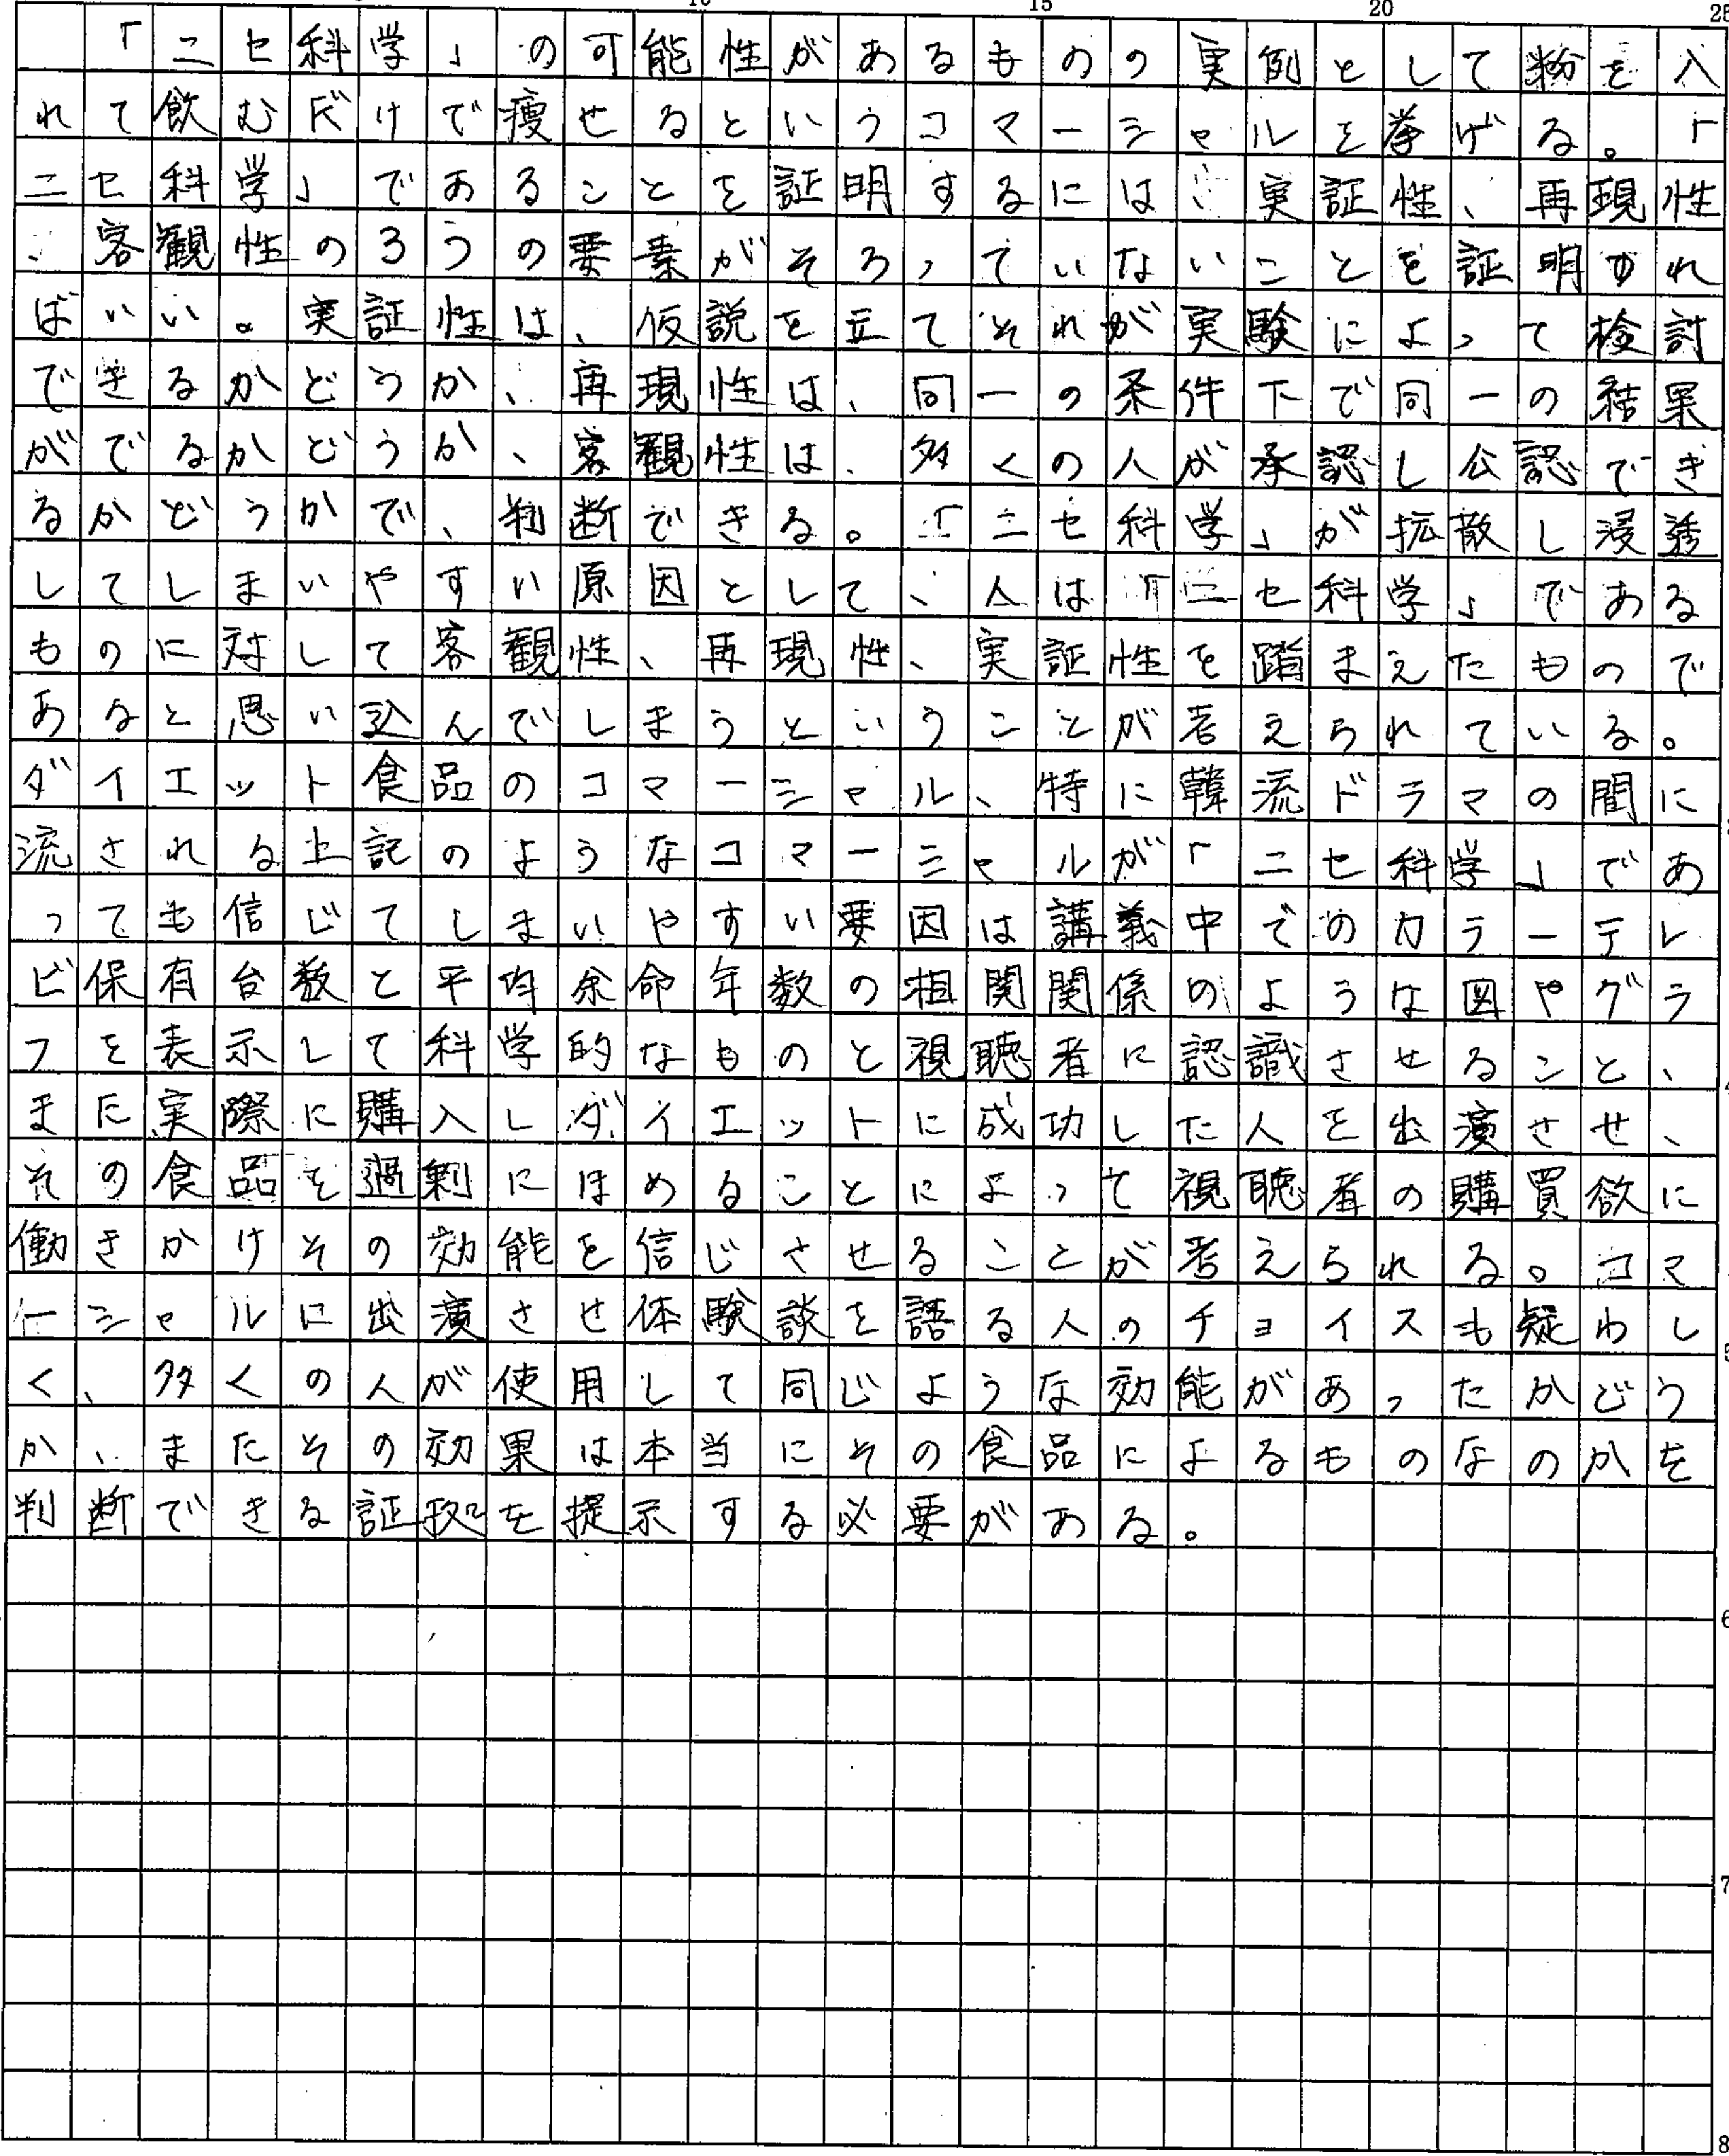　「ニセ科学」の可能性があるものの実例として粉を入れて飲むだけで痩せるというコマーシャルを挙げる。「ニセ科学」であることを証明するには、実証性、再現性、客観性の３つの要素がそろっていないことを証明すればいい。実証性は、仮説を立てそれが実験によって検討できるかどうか、再現性は、同一の条件下で同一の結果がでるかどうか、客観性は、多くの人が承認し公認できるかどうかで、判断できる。「ニセ科学」が拡散し浸透してしまいやすい原因として、人は「ニセ科学」であるものに対して客観性、再現性、実証性を踏まえたものであると思い込んでしまうということが考えられている。ダイエット食品のコマーシャル、特に韓流ドラマの間に流される上記のようなコマーシャルが「ニセ科学」であっても信じてしまいやすい要因は講義中でのカラーテレビ保有台数と平均余命年数の相関関係のような図やグラフを表示して科学的なものと視聴者に認識させること、また実際に購入しダイエットに成功した人を出演させ、その食品を過剰にほめることによって視聴者の購買欲に働きかけその効能を信じさせることが考えられる。コマーシャルに出演させ体験談を語る人のチョイスも疑わしく、多くの人が使用して同じような効能があったかどうか、またその効果は本当にその食品によるものなのかを判断できる証拠を提示する必要がある。
